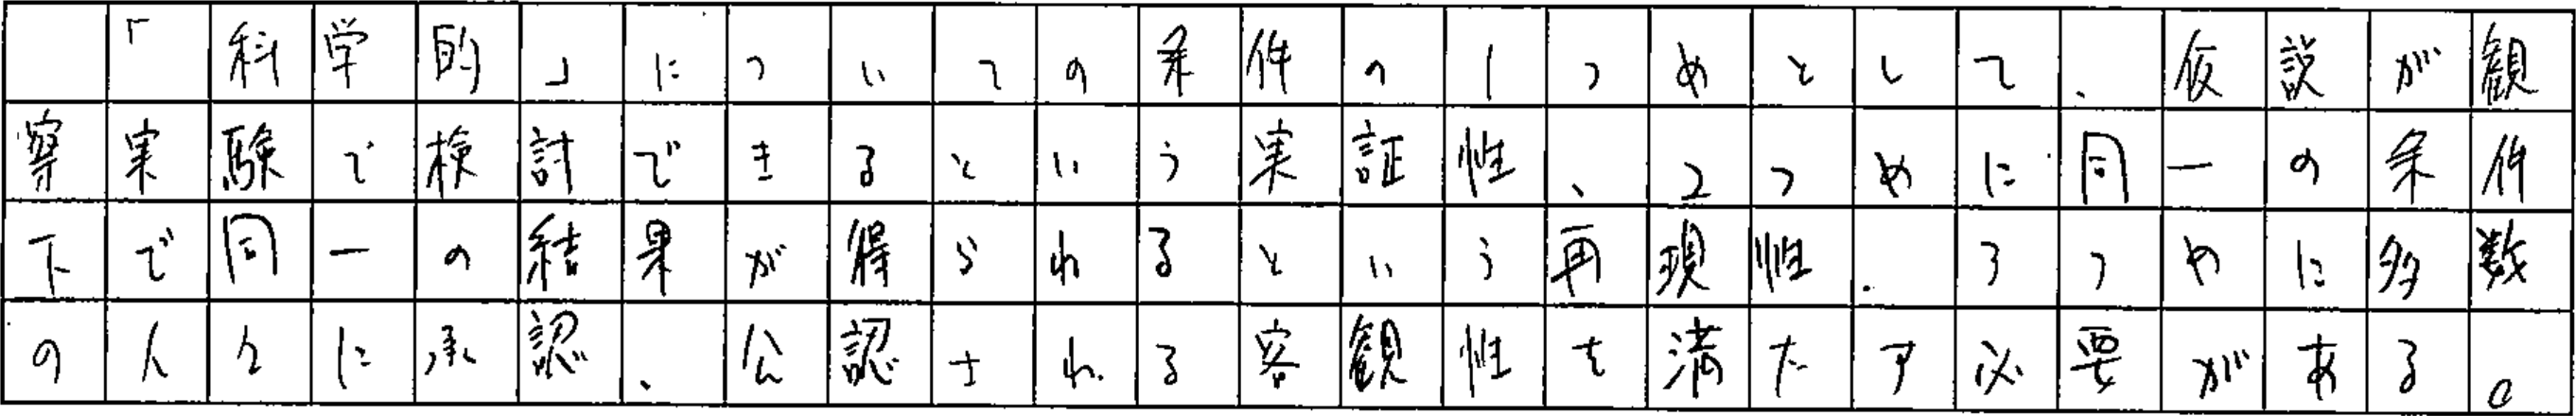　「科学的」についての条件の１つめとして、仮説が観察実験で検討できるという実証性、２つめに同一の条件下で同一の結果が得られるという再現性、３つめに多数の人々に承認、公認される客観性を満たす必要がある。
